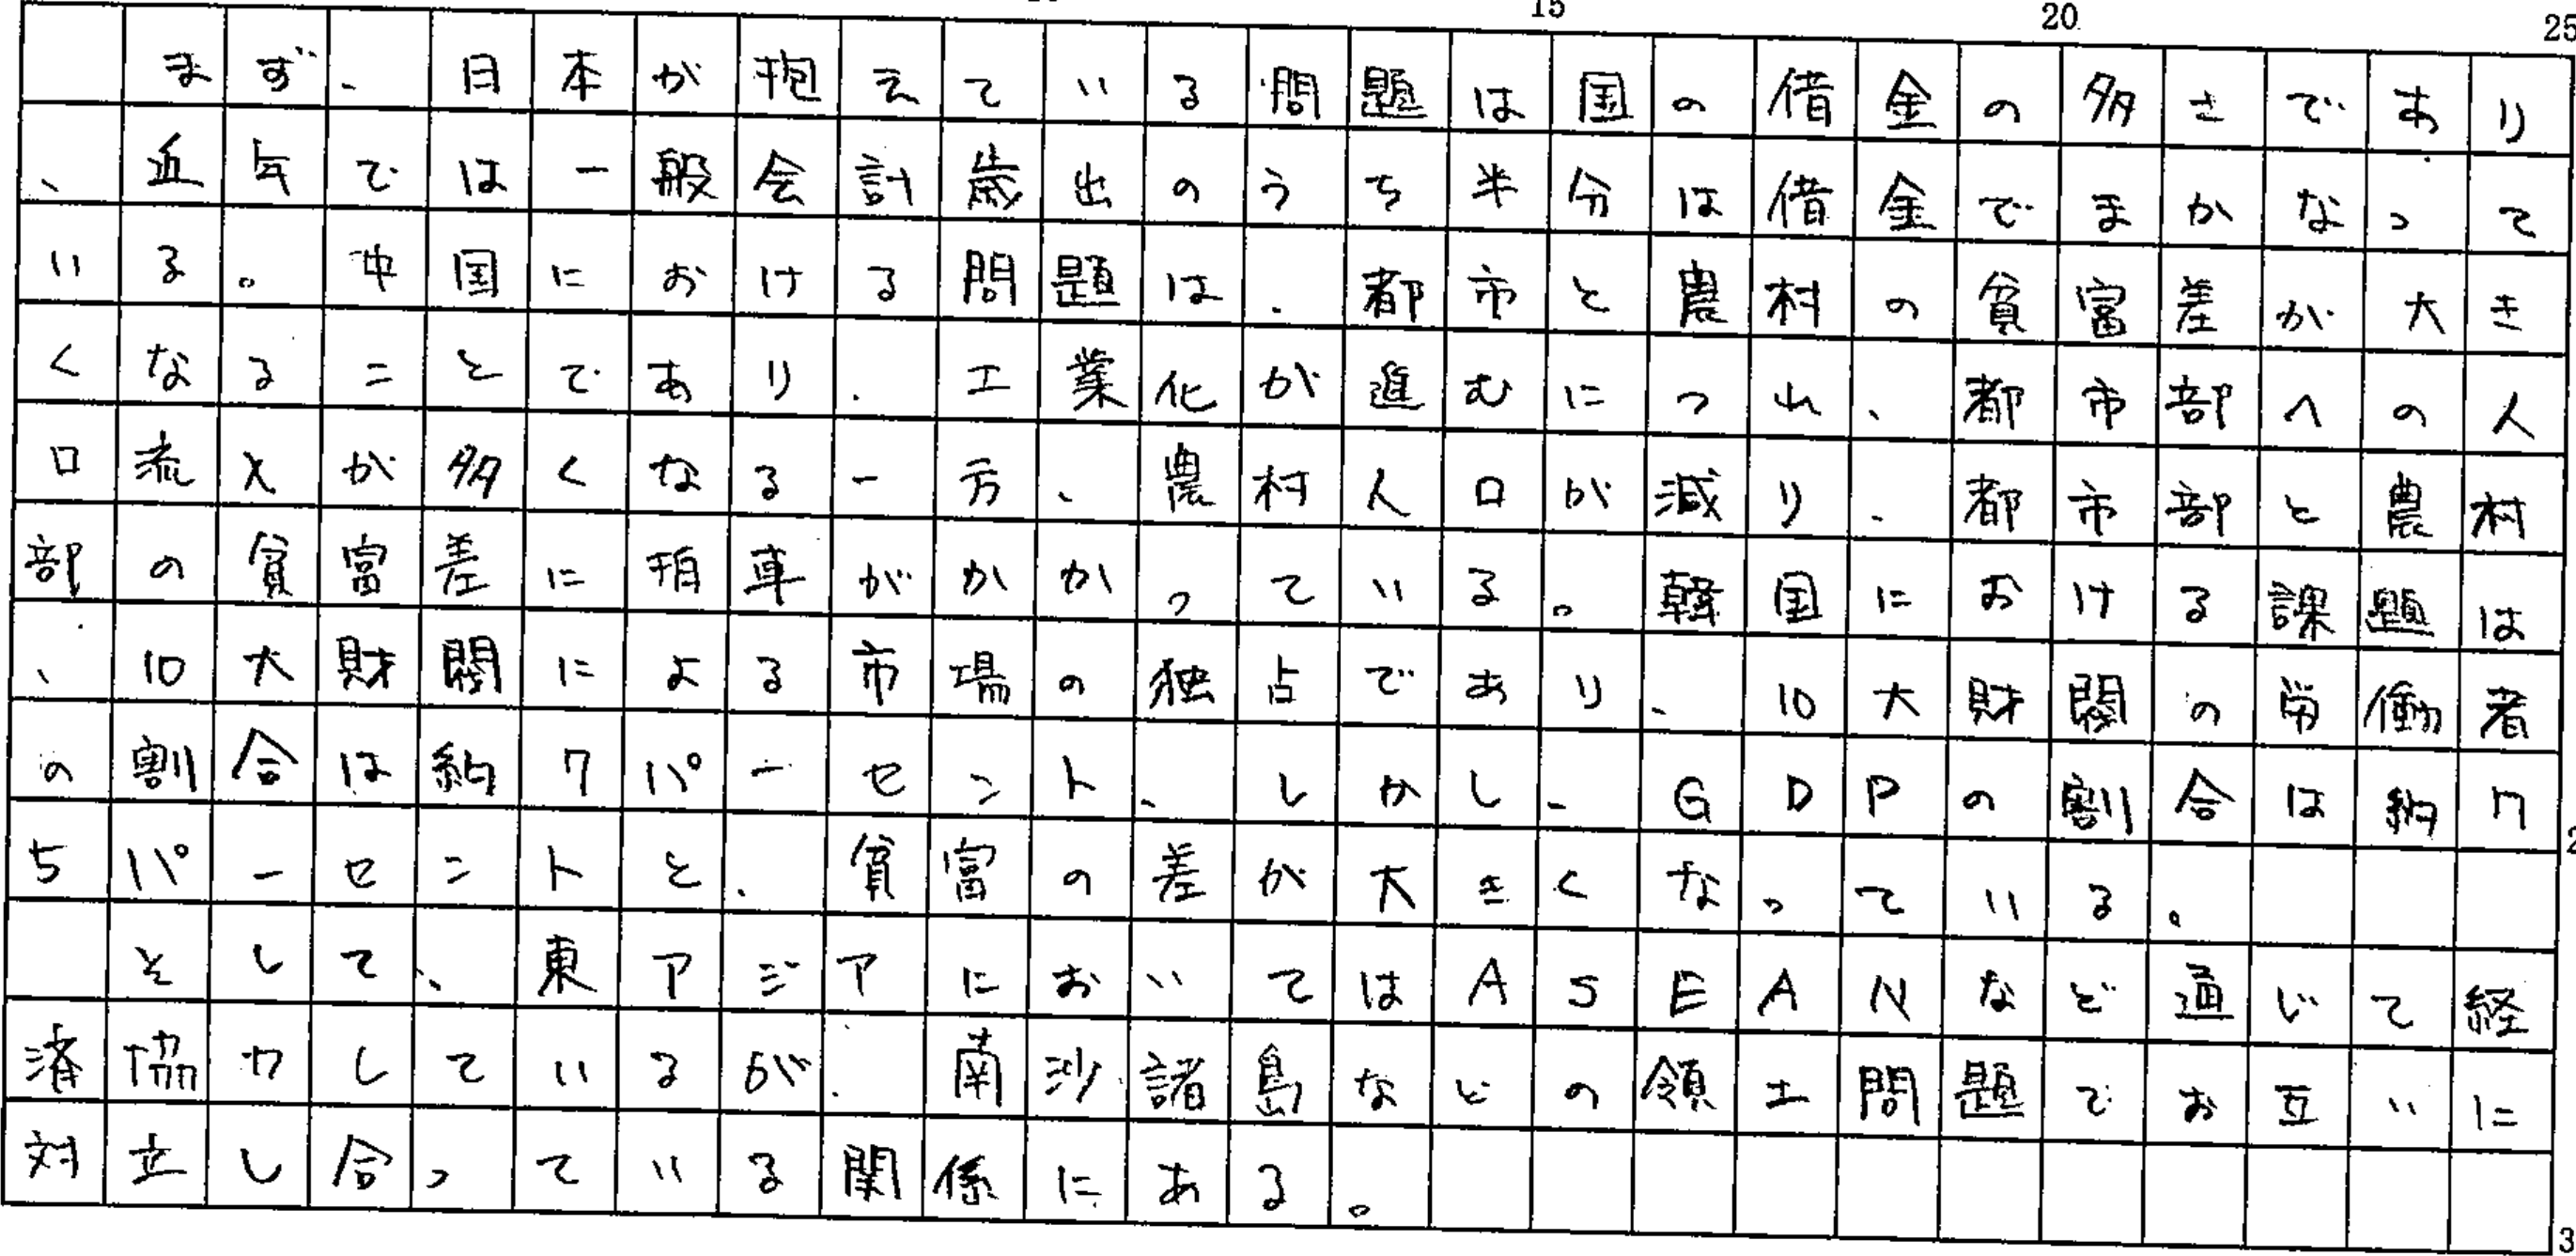　まず、日本が抱えている問題は国の借金の多さであり、近年では一般会計歳出のうち半分は借金でまかなっている。中国における問題は、都市と農村の貧富差が大きくなることであり、工業化が進むにつれ、都市部への人口流入が多くなる一方、農村人口が減り、都市部と農村部の貧富差に拍車がかかっている。韓国における課題は、１０大財閥による市場の独占であり、１０大財閥の労働者の割合は約７パーセント、しかし、ＧＤＰの割合は約７５パーセントと、貧富の差が大きくなっている。
　そして、東アジアにおいてはＡＳＥＡＮなど通じて経済協力しているが、南沙諸島などの領土問題でお互いに対立し合っている関係にある。
